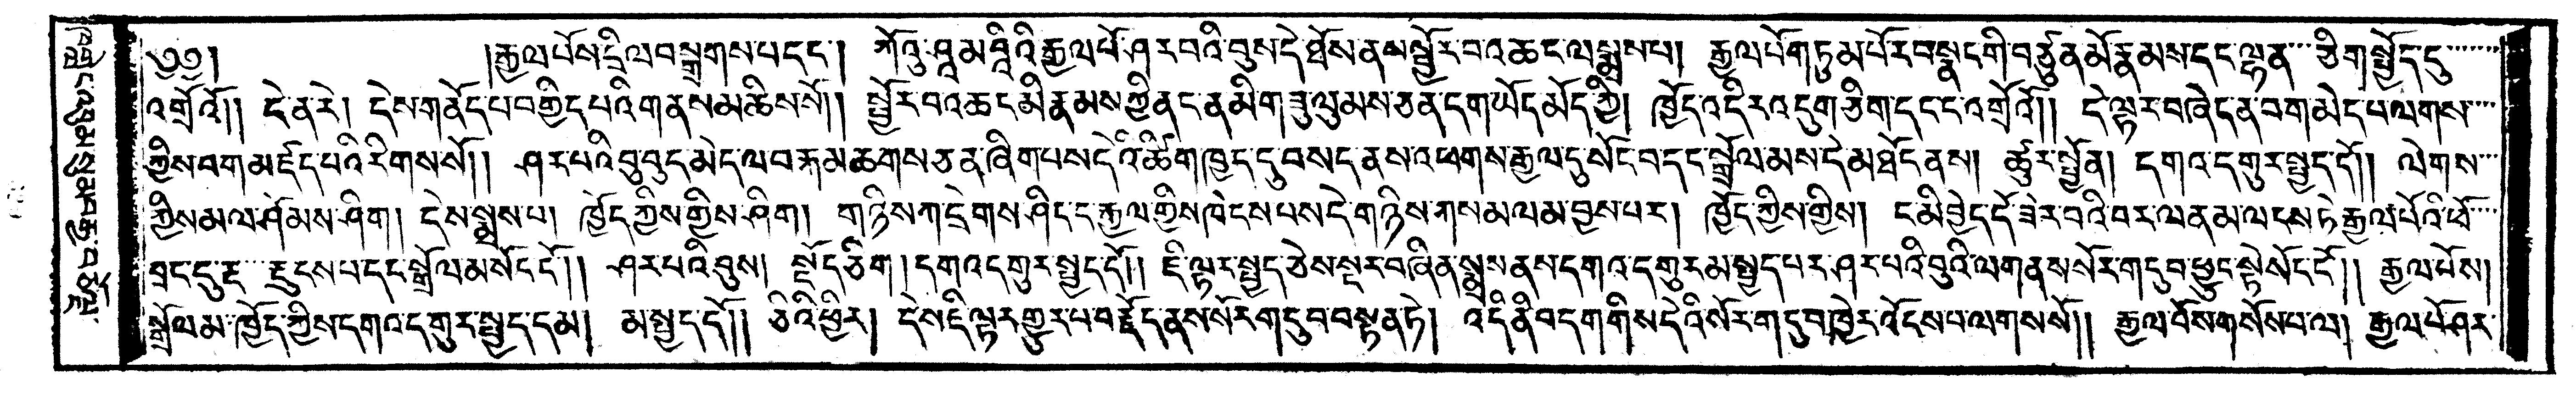༄༅། །རྒྱལ་པོས་དྲིལ་བསྒྲགས་པ་དང་། ཀོའུ་ཤཱམྦཱིའི་རྒྱལ་པོ་ཤར་བའི་བུས་དེ་ཐོས་ནས་སྦྱོར་བ་འཆང་ལ་སྨྲས་པ། རྒྱལ་པོ་གཏུམ་པོར་བསྣང་གི་བཙུན་མོ་རྣམས་དང་ལྷན་ཅིག་སྤྱོད་དུ་
འགྲོའོ། །དེ་ན་རེ། དེས་གནོད་པ་བགྱིད་པའི་གནས་མཆིས་སོ། །སྦྱོར་བ་འཆང་མི་རྣམས་ཀྱི་ནང་ན་མི་གཟུ་ལུམས་ཅན་དག་ཡོད་མོད་ཀྱི། ཁྱོད་འདིར་འདུག་ཅིག་དང་ང་འགྲོའོ།། དེ་ལྟར་བཞེད་ན་བག་མེད་པ་ལགས་
ཀྱིས་བག་མཛད་པའི་རིགས་སོ། །ཤར་པའི་བུ་བུད་མེད་ལ་བརྐམ་ཆགས་ཅན་ཞིག་པས་དེའི་ཚིག་ཁྱད་དུ་བསད་ནས་འཕགས་རྒྱལ་དུ་སོང་བ་དང་སྒྲོལ་མས་དེ་མཐོང་ནས། ཚུར་སྤྱོན། དགའ་དགུར་སྤྱད་དོ།། ལེགས་
ཀྱིས་མལ་ཤོམས་ཤིག། དེས་སྨྲས་པ། ཁྱོད་ཀྱིས་གྱིས་ཤིག། གཉིས་ཀ་དྲེགས་ཤིང་ང་རྒྱལ་གྱིས་ཁེངས་པས་དེ་གཉིས་ཀས་མལ་མ་བྱས་པར། ཁྱོད་ཀྱིས་གྱིས། ང་མི་བྱེད་དོ་ཟེར་བའི་བར་ལན་མ་ལངས་ཏེ་རྒྱལ་པོའི་ཕོ་
བྲང་དུ་རྔ་རྡུངས་པ་དང་སྒྲོལ་མ་སོང་ངོ།། ཤར་པའི་བུས། སྡོད་ཅིག། དགའ་དགུར་སྤྱད་དོ།། ཇི་ལྟར་སྤྱད་ཅེས་སྔར་བཞིན་སྨྲས་ནས་དགའ་དགུར་མ་སྤྱད་པར་ཤར་པའི་བུའི་ལ་གནས་སོར་གདུབ་ཕྱུང་སྟེ་སོང་ངོ།། རྒྱལ་པོས།
སྒྲོལ་མ༑ ཁྱོད་ཀྱིས་དགའ་དགུར་སྤྱད་དམ། མ་སྤྱད་དོ།། ཅིའི་ཕྱིར། དེས་ཇི་ལྟར་གྱུར་པ་བརྗོད་ནས་སོར་གདུབ་བསྟན་ཏེ། འདི་ནི་བདག་གིས་དེའི་སོར་གདུབ་ཁྱེར་འོངས་པ་ལགས་སོ།། རྒྱལ་པོས་གསོས་པ་ལ། རྒྱལ་པོ་ཤར་